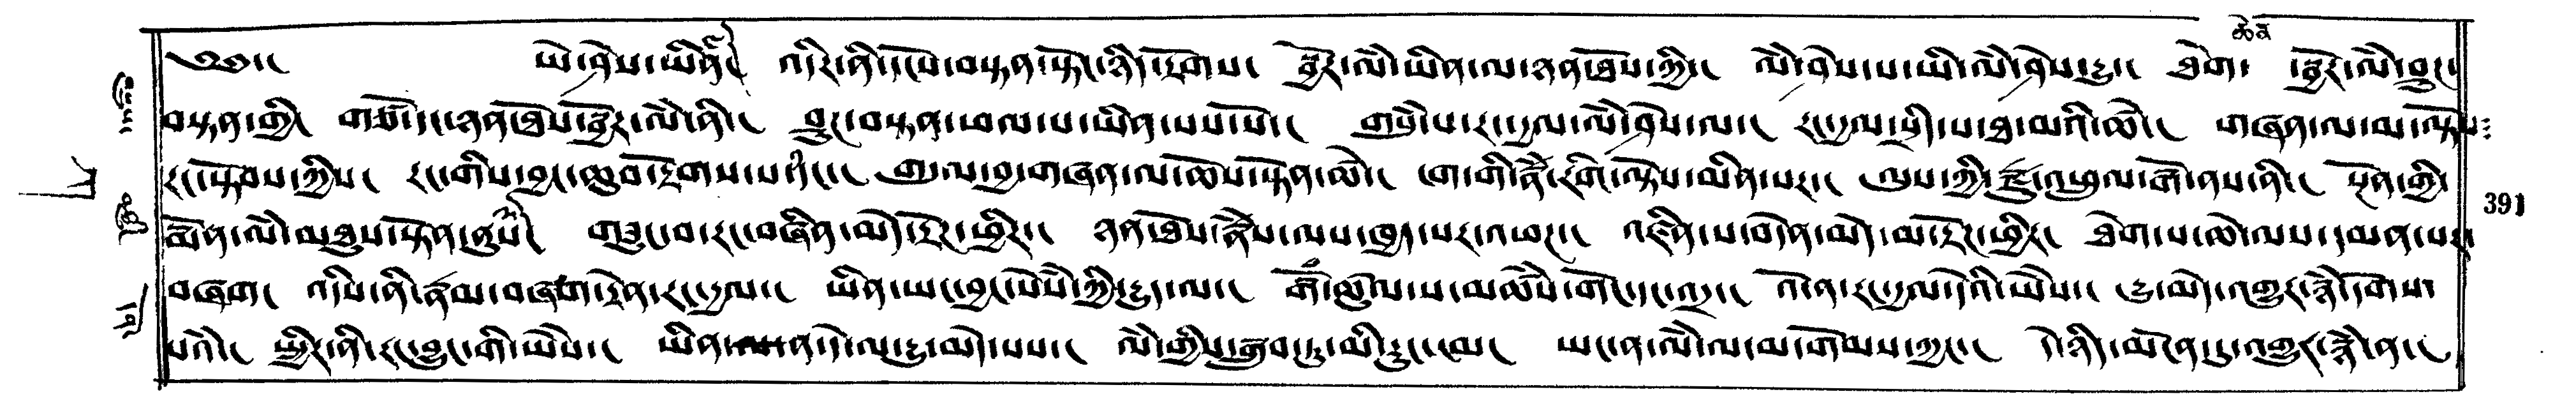ཡེ་ཤེས་ཡིན། །འདིར་ནི་དངོས་བསྟན་སྟོང་ཉིད་རྟོགས། །སྦྱོར་ལམ་ཡིན་ལ་ཉན་ཐོས་ཀྱི། །ལམ་ཤེས་པ་ཡི་ལམ་ཤེས་རྒྱུ། །ཐེག་ཆེན་སྦྱོར་ལམ་ཤུགས་
བསྟན་གྱི། །གཙོ་དང་ཉན་ཐོས་སྦྱོར་ལམ་ནི། །ཤུགས་བསྟན་ཕལ་པ་ཡིན་པས་སོ། །གསུམ་པ་རང་རྒྱལ་ལམ་ཤེས་ལ། །རང་རྒྱལ་སྲིད་པ་ཐ་མའི་ཚེ། །གཞན་ལ་མ་ལྟོས་
རང་སྟོབས་ཀྱིས། །རང་གིས་བྱང་ཆུབ་རྟོགས་པ་དང་། །གདུལ་བྱ་གཞན་ལ་ཆོས་སྟོན་ཚེ། །ངག་གི་རྣམ་རིག་ལྟོས་མིན་པར། །ལུས་ཀྱི་རྫུ་འཕྲུལ་སྒོ་ནས་ནི། །སྔོན་གྱི་
སྨོན་ལམ་མཐུས་སྟོན་ནུས། །གཟུང་བ་རང་བཞིན་མེད་རྟོགས་ཕྱིར། །ཉན་ཐོས་རྣམས་ལས་ཁྱད་པར་འཕགས། །འཛིན་པ་བདེན་མེད་མ་རྟོགས་ཕྱིར། །ཐེག་པ་ཆེ་ལས་དམན་པར་
བཞག།འདིས་ནི་རྣམ་གཞག་རྟེན་རང་རྒྱལ། །ཡིན་ཡང་བྱང་སེམས་ཀྱི་རྒྱུད་ལ། །སྒོམ་ཚུལ་ས་མཚམས་གོང་དང་འདྲ། །འོ་ན་རང་རྒྱལ་དེའི་ཡེ་ཤེས། །རྒྱུ་མེད་འགྱུར་སྙམ་དོགས་
པའམ། །སྤྱིར་ནི་རང་བྱུང་གི་ཡེ་ཤེས། །ཡིན་ན་དེ་ལ་རྒྱུ་མེད་པས། །ལམ་གྱིས་སྒྲུབ་ཏུ་མི་རུང་ངམ། །ཡང་ན་ལམ་ལ་མ་གོམས་ཀྱང་། །དེ་ཉིད་མངོན་དུ་འགྱུར་སྙམ་ན། །